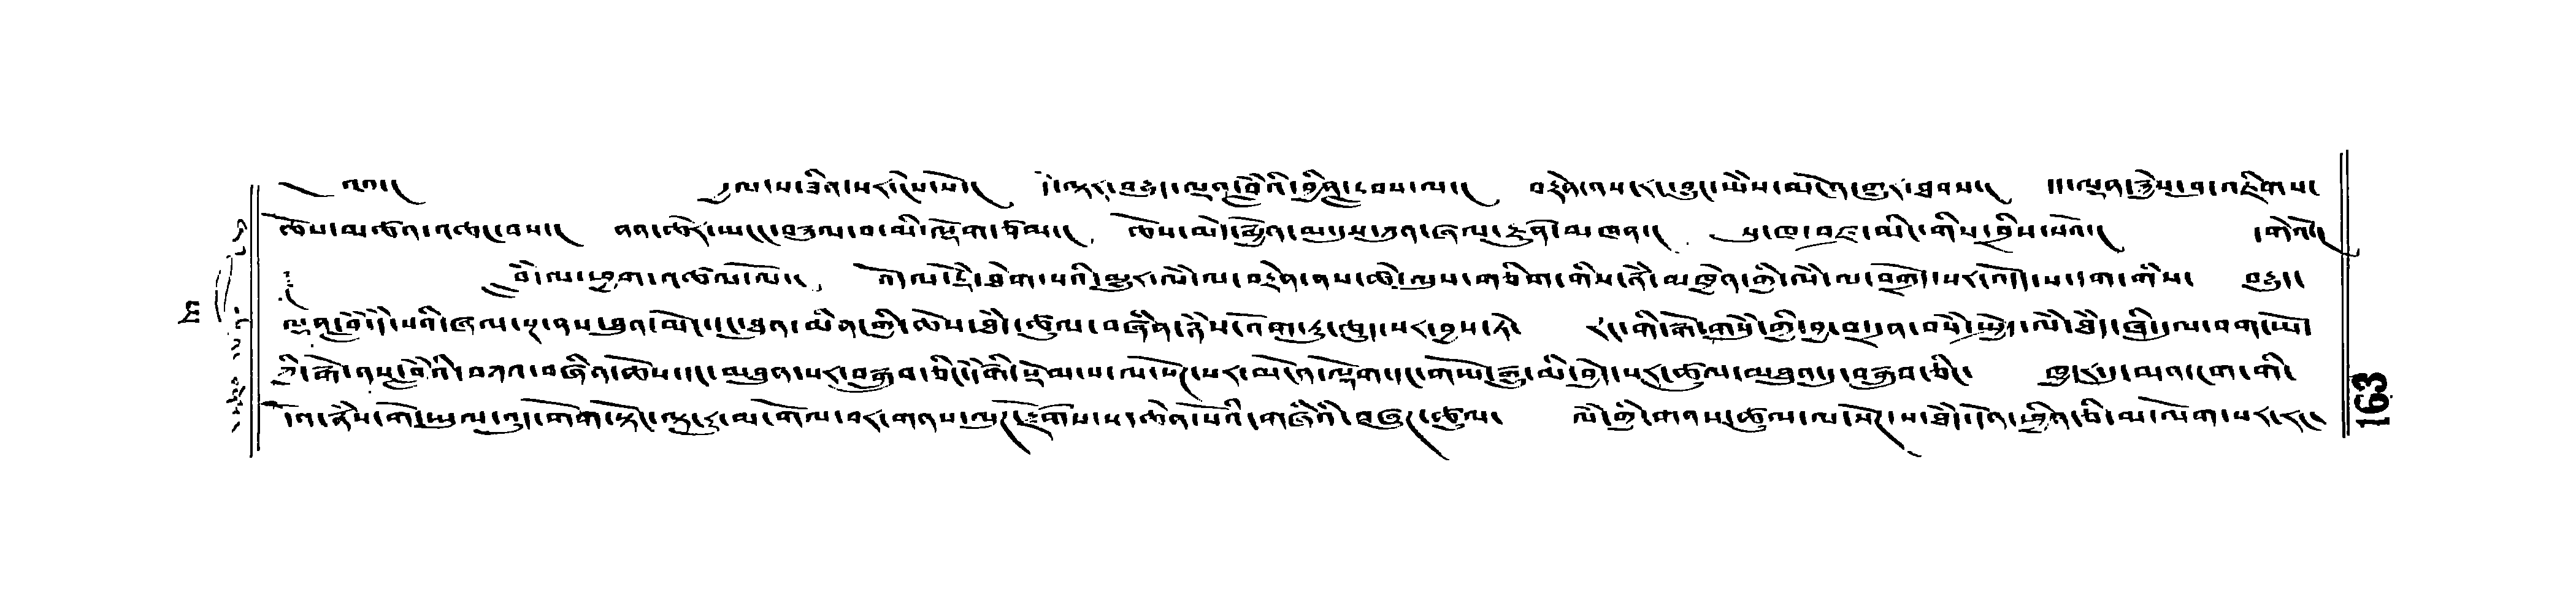རྒྱལ་ས་ཟིན་པར་ངེས་སོ།། དེ་ལྟར་བརྒྱུད་ལྡན་བླ་མའི་བྱིན་རླབས་ལ། །བརྟེན་ནས་རང་བྱུང་ཡེ་ཤེས་མངོན་གྱུར་ཐབས། །དད་ལྡན་སྐྱེས་བུ་འཇིགས་
ཆོས་མཚན་འཆང་བས། །ནན་ཆེར་ཡང་ཡང་བསྐུལ་བ་མི་ལྡོག་ཙམ། །ཆོས་མེད་སྨྱོན་མ་དུས་ཀུན་ཞལ་རྫུན་མཁན། །སུ་ཁ་བཛྲ་མིང་གིས་བྲིས་པའོ།། དགེའོ།། 
༈ བླ་མ་ཕྱག་འཚལ་ལོ། འོད་གསལ་རྡོ་རྗེ་ཐེག་པའི་མྱུར་ལམ་ལ་བརྟེན་ནས་ཚེ་ལུས་གཅིག་གིས་རྣམ་མཁྱེན་གྱི་ལམ་ལ་བགྲོད་པར་འདོད་པ་དག་གིས། བརྒྱུད་
ལྡན་བླ་མ་དམ་པའི་ཞལ་སྔ་ནས་ཐུན་མོང་དང་ཐུན་མིན་གྱི་ཆོས་ཐམས་ཅད་ཚུལ་བཞིན་ཉམས་འོག་ཏུ་ཆུད་པར་བྱས་ཏེ། རང་གི་སྒོ་གསུམ་གྱི་བྱ་བ་དྲན་བསམ་སྤྱོད་ལམ་ཐམས་ཅད་ཞི་དུལ་བག་ཡོད་
ཀྱི་སྒོ་ནས་བླ་མའི་བཀའ་བཞིན་ཆོས་དང་མཐུན་པར་བསྒྲུབ་ཅིང་དམ་ཚིག་སྡོམ་པ་ལ་སོགས་པར་མངོན་ལྐོག་དང་གཡོ་སྒྱུ་མི་བྱེད་པར་ཚུལ་མཐུན་དུ་སྒྲུབ་ཅིང་། ཁྱད་པར་དུ་མན་ངག་གི་
དོན་རྣམས་གོ་ཡུལ་འུད་གོག་སྟོང་ལྟ་རུ་མ་གོལ་བར་གནས་ལུགས་རྫོགས་པ་ཆེན་པོའི་གཞིའི་བཞུགས་ཚུལ། ལམ་གྱི་གནས་ཚུལ་ལ་སོགས་པ་ཐམས་ཅད་དོན་ཕྱིན་ཅི་མ་ལོག་པར་རང་